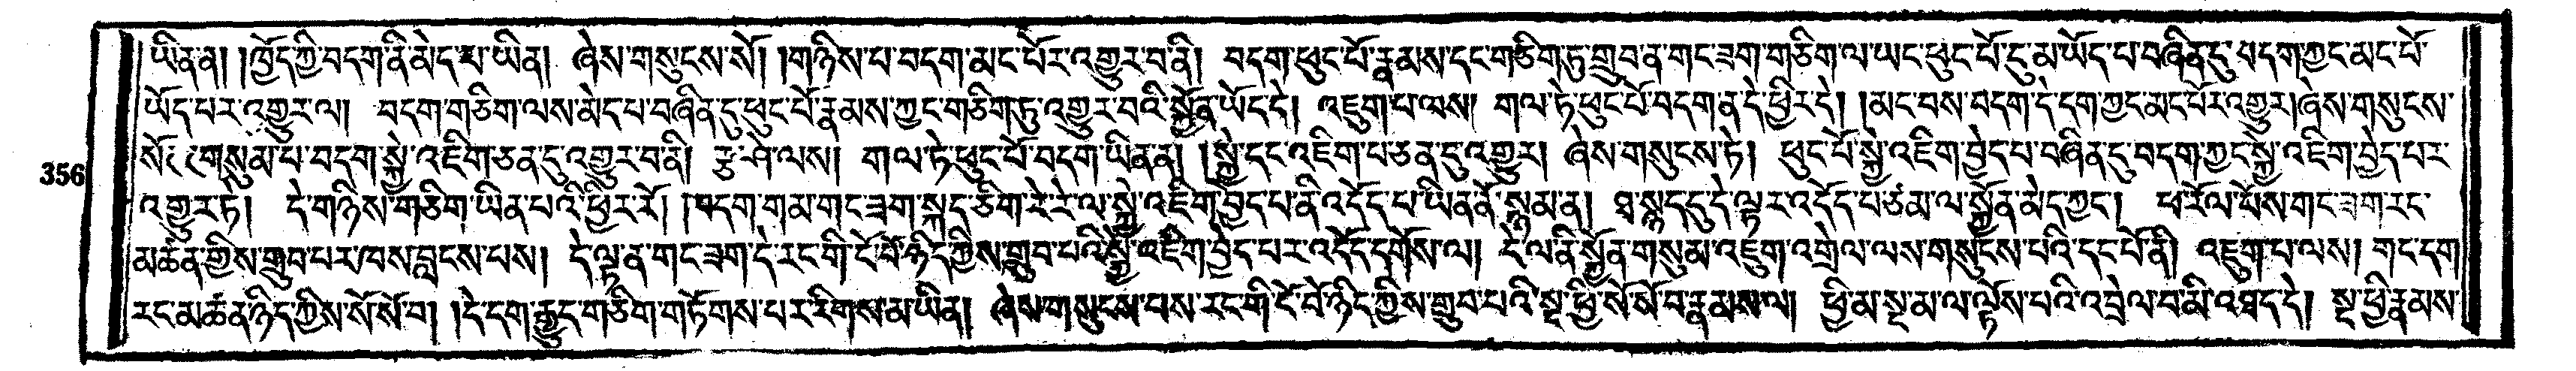ཡིན་ན། །ཁྱོད་ཀྱི་བདག་ནི་མེད་པ་ཡིན། ཞེས་གསུངས་སོ། །གཉིས་པ་བདག་མང་པོར་འགྱུར་བ་ནི། བདག་ཕུང་པོ་རྣམས་དང་གཅིག་ཏུ་གྲུབ་ན་གང་ཟག་གཅིག་ལ་ཡང་ཕུང་པོ་དུ་མ་ཡོད་པ་བཞིན་དུ་བདག་ཀྱང་མང་པོ་
ཡོད་པར་འགྱུར་ལ། བདག་གཅིག་ལས་མེད་པ་བཞིན་དུ་ཕུང་པོ་རྣམས་ཀྱང་གཅིག་ཏུ་འགྱུར་བའི་སྐྱོན་ཡོད་དེ། འཇུག་པ་ལས། གལ་ཏེ་ཕུང་པོ་བདག་ན་དེ་ཕྱིར་དེ། །མང་བས་བདག་དེ་དག་ཀྱང་མང་པོར་འགྱུར། ཞེས་གསུངས་
སོ༑ ༑གསུམ་པ་བདག་སྐྱེ་འཇིག་ཅན་དུ་འགྱུར་བ་ནི། རྩ་ཤེ་ལས། གལ་ཏེ་ཕུང་པོ་བདག་ཡིན་ན། །སྐྱེ་དང་འཇིག་པ་ཅན་དུ་འགྱུར། ཞེས་གསུངས་ཏེ། ཕུང་པོ་སྐྱེ་འཇིག་བྱེད་པ་བཞིན་དུ་བདག་ཀྱང་སྐྱེ་འཇིག་བྱེད་པར་
འགྱུར་ཏེ། དེ་གཉིས་གཅིག་ཡིན་པའི་ཕྱིར་རོ། །བདག་གམ་གང་ཟག་སྐད་ཅིག་རེ་རེ་ལ་སྐྱེ་འཇིག་བྱེད་པ་ནི་འདོད་པ་ཡིན་ནོ་སྙམ་ན། ཐ་སྙད་དུ་དེ་ལྟར་འདོད་པ་ཙམ་ལ་སྐྱོན་མེད་ཀྱང་། ཕ་རོལ་པོས་གང་ཟག་རང་
མཚན་གྱིས་གྲུབ་པར་ཁས་བླངས་པས། དེ་ལྟ་ན་གང་ཟག་དེ་རང་གི་ངོ་པོ་ཉིད་ཀྱིས་གྲུབ་པའི་སྐྱེ་འཇིག་བྱེད་པར་འདོད་དགོས་ལ། དེ་ལ་ནི་སྐྱོན་གསུམ་འཇུག་འགྲེལ་ལས་གསུངས་པའི་དང་པོ་ནི། འཇུག་པ་ལས། གང་དག་
རང་མཚན་ཉིད་ཀྱིས་སོ་སོ་བ། །དེ་དག་རྒྱུད་གཅིག་གཏོགས་པར་རིགས་མ་ཡིན། ཞེས་གསུངས་པས་རང་གི་ངོ་བོ་ཉིད་ཀྱིས་གྲུབ་པའི་སྔ་ཕྱི་སོ་སོ་བ་རྣམས་ལ། ཕྱི་མ་སྔ་མ་ལ་ལྟོས་པའི་འབྲེལ་བ་མི་འཐད་དེ། སྔ་ཕྱི་རྣམས་